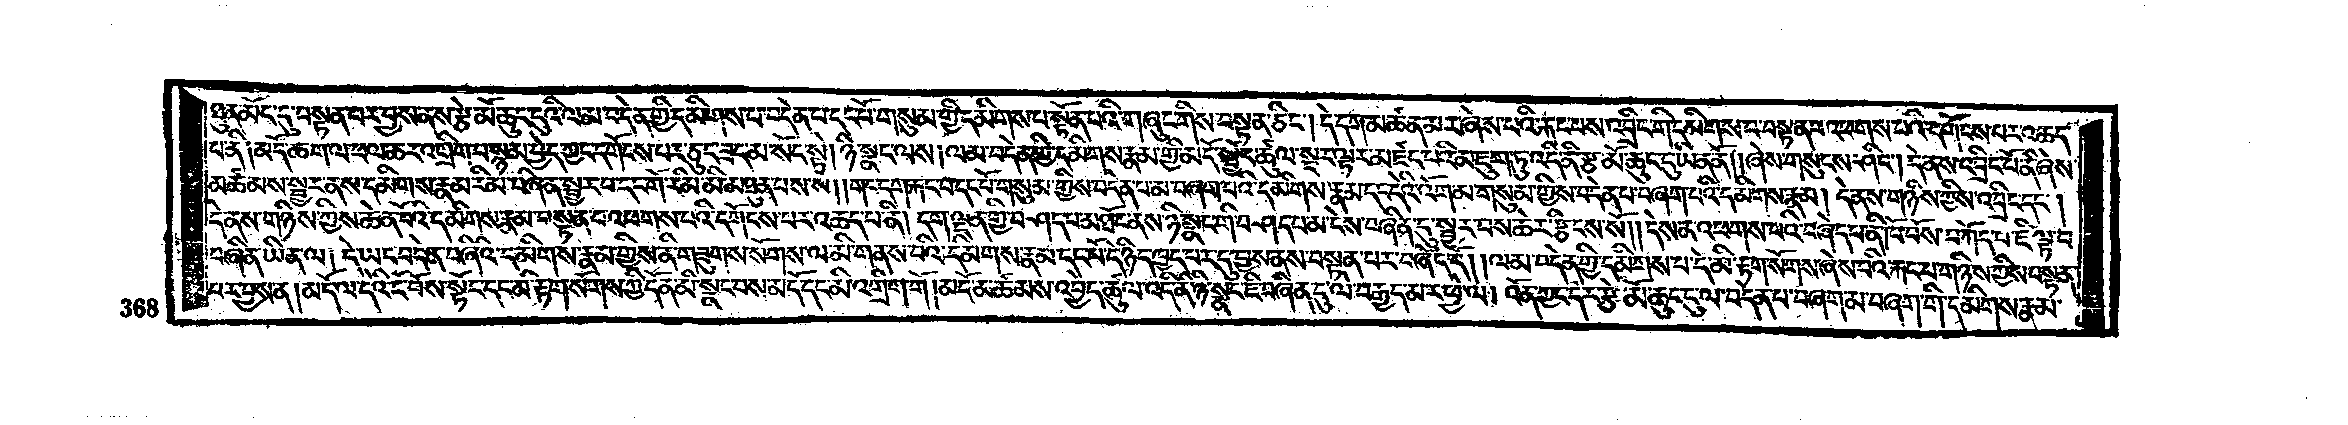ཐུན་མོང་དུ་བསྟན་པར་བྱས་ནས་རྩེ་མོ་ཆུང་ངུའི་ལམ་བདེན་གྱི་དམིགས་པ་བདེན་པ་དང་པོ་གསུམ་གྱི་དམིགས་པ་སྟོན་པའི་གཞུང་གིས་བསྟན་ཅིང་། དེ་དག་མཚན་མར་ཞེས་པའི་རྐང་པས་འབྲིང་གི་དམིགས་པ་བསྟན་པ་འཕགས་པའི་དགོངས་པར་འཆད་
པ་ནི། མདོ་ཆག་ལ་ཕལ་ཆར་འགྲིག་པ་སྙམ་བྱེད་ཀྱང་དགོངས་པར་ཅུང་ཟད་མ་སོང་སྟེ། ཉི་སྣང་ལས། ལམ་བདེན་གྱི་དམིགས་རྣམ་གྱི་མདོ་སྦྱོར་ཚུལ་སྔར་ལྟར་མཛད་པའི་མཇུག་ཏུ་འདི་ནི་རྩ་མོ་ཆུང་ངུ་ཡིན་ནོ། །ཞེས་གསུངས་ཤིང་། ད་ནས་འབྲིང་པོ་ནི་ཞེས་
མཚམས་སྦྱར་ནས་དམིགས་རྣམ་རིམ་བཞིན་སྦྱར་བ་དང་གོ་རིམ་མི་མཐུན་པས་སོ། །གང་དག་རྐང་པ་དང་པོ་གསུམ་གྱིས་བདེན་པ་མ་བཞག་པའི་དམིགས་རྣམ་དང་དེའི་འོག་མ་གསུམ་གྱིས་བདེན་པ་བཞག་པའི་དམིགས་རྣམ། དེ་ནས་གཉིས་ཀྱིས་འབྲིང་དང་།
དེ་ནས་གཉིས་ཀྱིས་ཆེན་པོའི་དམིགས་རྣམ་བསྟན་པ་འཕགས་པའི་དགོངས་པར་འཆད་པ་ནི། དག་ལྡན་གྱི་བཤད་པ་མཐོང་ནས་ཉི་སྣང་གི་བཤད་པ་མ་ངེས་བཞིན་དུ་སྦྱར་བས་ཆེར་རྩིངས་སོ། །དེས་ན་འཕགས་པའི་བཞེད་པ་ནི་ཁོ་བོས་བཀོད་པ་ཇི་ལྟ་བ་
བཞིན་ཡིན་ལ། དེ་ཡང་བདེན་བཞིའི་དམིགས་རྣམ་གྱིས་ནི་གཟུགས་སོགས་ལ་མི་གནས་པའི་དམིགས་རྣམ་དང་པོ་དེ་ཉིད་ཁྱད་པར་དུ་བྱས་ནས་བསྟན་པར་བཞེད་དོ། །ལམ་བདེན་གྱི་དམིགས་པ་དེ་མི་རྟག་སོགས་ཞེས་པའི་རྐང་པ་གཉིས་ཀྱིས་བསྟན་
པར་བྱས་ན། མདོ་ལ་དེའི་ངོ་བོས་སྟོང་དང་མི་རྟག་སོགས་ཀྱི་དོན་མི་སྣང་བས་མདོ་དང་མི་འགྲིག་གོ །མདོ་མཚམས་འབྱེད་ཚུལ་འདི་ནི་ཉི་སྣང་ཇི་བཞིན་དུ་ལེ་བརྒྱད་མར་ཕྱེ་ལ། འོན་ཀྱང་དེར་རྩེ་མོ་ཆུང་ངུ་ལ་བདེན་པ་བཞག་མ་བཞག་གི་དམིགས་རྣམ་